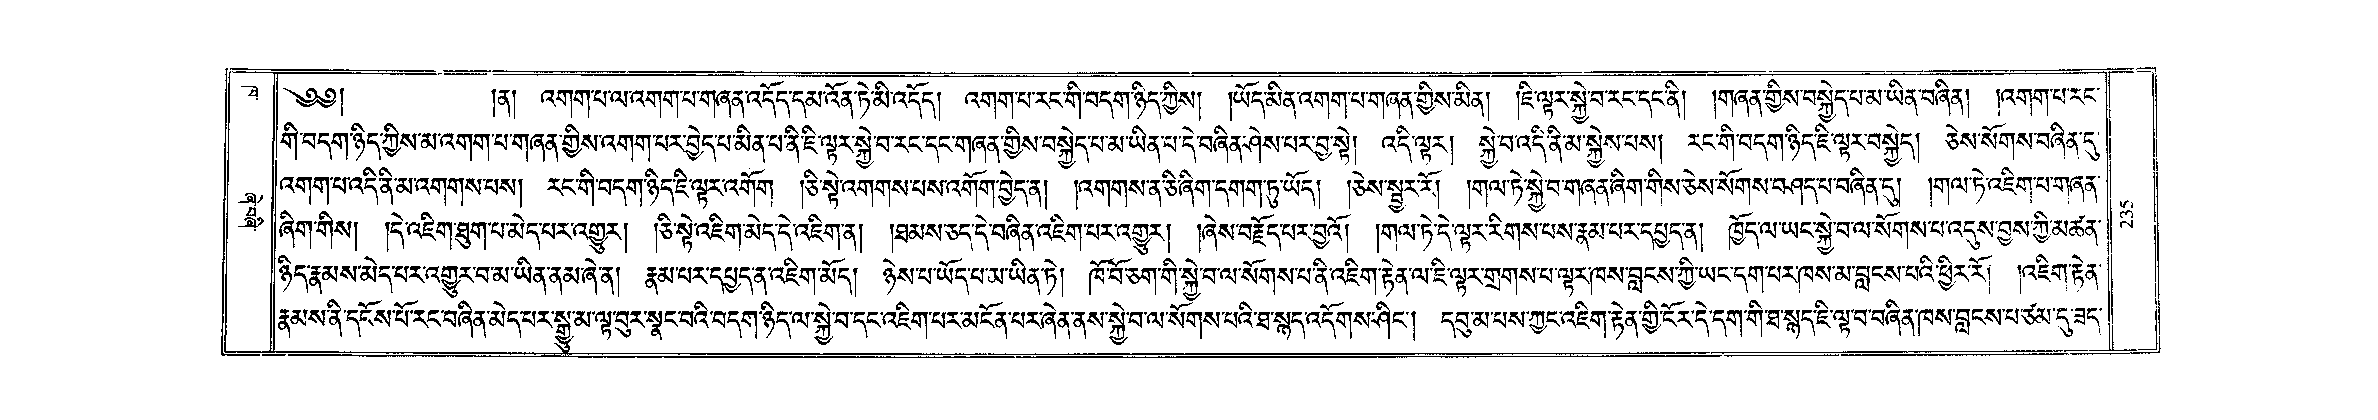༄༅། །ན། འགག་པ་ལ་འགག་པ་གཞན་འདོད་དམ་འོན་ཏེ་མི་འདོད། འགག་པ་རང་གི་བདག་ཉིད་ཀྱིས། །ཡོད་མིན་འགག་པ་གཞན་གྱིས་མིན། །ཇི་ལྟར་སྐྱེ་བ་རང་དང་ནི། །གཞན་གྱིས་བསྐྱེད་པ་མ་ཡིན་བཞིན། །འགག་པ་རང་
གི་བདག་ཉིད་ཀྱིས་མ་འགག་པ་གཞན་གྱིས་འགག་པར་བྱེད་པ་མིན་པ་ནི་ཇི་ལྟར་སྐྱེ་བ་རང་དང་གཞན་གྱིས་བསྐྱེད་པ་མ་ཡིན་པ་དེ་བཞིན་ཤེས་པར་བྱ་སྟེ། འདི་ལྟར། སྐྱེ་བ་འདི་ནི་མ་སྐྱེས་པས། རང་གི་བདག་ཉིད་ཇི་ལྟར་བསྐྱེད། ཅེས་སོགས་བཞིན་དུ་
འགག་པ་འདི་ནི་མ་འགགས་པས། རང་གི་བདག་ཉིད་ཇི་ལྟར་འགོག །ཅི་སྟེ་འགགས་པས་འགོག་བྱེད་ན། །འགགས་ན་ཅི་ཞིག་དགག་ཏུ་ཡོད། །ཅེས་སྦྱར་རོ། །གལ་ཏེ་སྐྱེ་བ་གཞན་ཞིག་གིས་ཅེས་སོགས་བཤད་པ་བཞིན་དུ། །གལ་ཏེ་འཇིག་པ་གཞན་
ཞིག་གིས། །དེ་འཇིག་ཐུག་པ་མེད་པར་འགྱུར། །ཅི་སྟེ་འཇིག་མེད་དེ་འཇིག་ན། །ཐམས་ཅད་དེ་བཞིན་འཇིག་པར་འགྱུར། །ཞེས་བརྗོད་པར་བྱའོ། །གལ་ཏེ་དེ་ལྟར་རིགས་པས་རྣམ་པར་དཔྱད་ན། ཁྱོད་ལ་ཡང་སྐྱེ་བ་ལ་སོགས་པ་འདུས་བྱས་ཀྱི་མཚན་
ཉིད་རྣམས་མེད་པར་འགྱུར་བ་མ་ཡིན་ནམ་ཞེ་ན། རྣམ་པར་དཔྱད་ན་འཇིག་མོད། ཉེས་པ་ཡོད་པ་མ་ཡིན་ཏེ། ཁོ་བོ་ཅག་གི་སྐྱེ་བ་ལ་སོགས་པ་ནི་འཇིག་རྟེན་ལ་ཇི་ལྟར་གྲགས་པ་ལྟར་ཁས་བླངས་ཀྱི་ཡང་དག་པར་ཁས་མ་བླངས་པའི་ཕྱིར་རོ། །འཇིག་རྟེན་
རྣམས་ནི་དངོས་པོ་རང་བཞིན་མེད་པར་སྒྱུ་མ་ལྟ་བུར་སྣང་བའི་བདག་ཉིད་ལ་སྐྱེ་བ་དང་འཇིག་པར་མངོན་པར་ཞེན་ནས་སྐྱེ་བ་ལ་སོགས་པའི་ཐ་སྙད་འདོགས་ཤིང་། དབུ་མ་པས་ཀྱང་འཇིག་རྟེན་གྱི་ངོར་དེ་དག་གི་ཐ་སྙད་ཇི་ལྟ་བ་བཞིན་ཁས་བླངས་པ་ཙམ་དུ་ཟད་